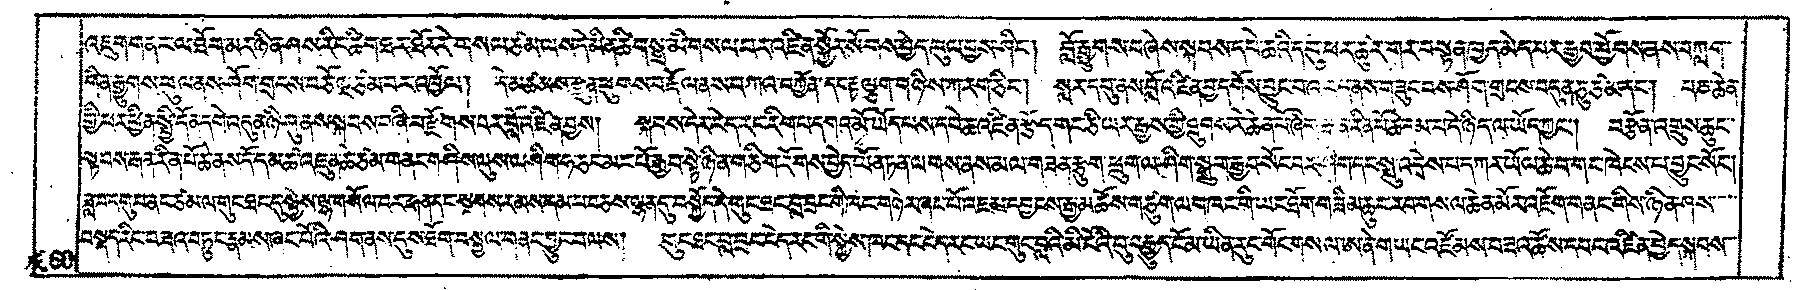འཇུག་གནང་ལ་ཐོག་མར་ཉིན་ཤས་རིང་ཚིག་ཐར་ཐོར་རེ་གསལ་ཙམ་ལས་དེ་མིན་ཚིག་སྒྲ་མི་གསལ་བར་འཛིན་སྐྱོར་སོགས་བྱེད་ཁུལ་བྱས་ཤིང་། བློ་རྒྱུགས་བཞེས་སྐབས་དཔེ་ཆའི་དབུ་ཕར་ཚུར་གར་བསྟན་ཁྱད་མེད་པར་རྒྱབ་ཕྱོགས་ནས་བཀླག་
གིན་རྒྱུགས་ཕུལ་ནས་ཤོག་གྲངས་བཅོ་ལྔ་ཙམ་བར་འཁྱོལ། དེ་མཚམས་རྫུན་ཕུགས་བརྡོལ་ནས་བཀའ་བཀྱོན་དང་རྟ་ལྕག་གཉིས་ཀ་རག་ཅིང་། སླར་དབུ་ནས་བློ་འཛིན་བྱ་དགོས་བྱུང་བ་འབད་ནས་གཟུང་བས་ཤོག་གྲངས་བདུན་ཅུ་ཙམ་དང་། པཎ་ཆེན་
གྱི་ཕར་ཕྱིན་སྤྱི་དོན་དགེ་འདུན་ཉི་ཤུ་ནས་སྐབས་བཞི་པ་རྫོགས་པར་བློ་འཛིན་བྱས། སྐབས་དེར་ངེད་རང་རིག་པ་དགའ་མོ་ཡོད་པས་དཔེ་ཆ་འཛིན་རྩོད་གང་ཅི་ཡར་རྒྱས་གྱི་ཐུགས་རེ་ཆེན་པོ་ཞིག་རྒན་རིན་པོ་ཆེ་དམ་པ་དེ་ཉིད་ལ་ཡོད་ཀྱང་། བརྩོན་འགྲུས་ཆུང་
སྟབས་རྒན་རིན་པོ་ཆེ་ནས་དོ་དམ་ཚ་འཇུན་ཆེ་ཙམ་གནང་གཤིས་ལུས་ལ་ཤིག་ཧ་ཅང་མང་པོ་རྒྱབ་སྟེ་ཉིན་གཅིག་རོགས་བྱེད་ཡོན་ཏན་ལགས་ནས་མལ་གཟན་རྩུག་ཕྲུག་ལ་ཤིག་སྒྲུབ་རྒྱབ་སོང་བར་ཤིག་དང་སྤུ་འདྲེས་པ་དཀར་ཡོལ་ཆེ་བ་གང་ཁེངས་པ་བྱུང་སོང་།
ཟླ་བ་དགུ་པ་ནང་ཙམ་ལ་གུང་ཐང་དུ་སྐྱེས་ལྷ་གསོལ་བར་རྒན་དང་སྔགས་རམས་དམ་པ་བཅས་ལྷན་དུ་བསྐྱོད་དེ་གུང་ཐང་བླ་བྲང་གི་ཁང་གཉེར་ཞང་པོ་འཇམ་དབྱངས་རྒྱ་མཚོས་གཙུག་ལག་ཁང་གི་ཡང་ཐོག་གཟིམ་ཆུང་རབ་གསལ་ཆེན་མོར་འཇོག་གནང་གིས་ཉིན་ཤས་
བསྡད་རིང་བཟའ་བཏུང་རྣམས་ཞང་པོའི་ཤག་ནས་དུས་ཐོག་བསྐྱལ་གནང་བྱུང་བ་ལས། གུང་ཐང་བླ་བྲང་ངེད་རང་གི་སྐྱེས་ཁང་དང་ངེད་རང་ཡང་གུང་བླའི་མི་ངོའི་བུ་བརྒྱུད་ངོ་མ་ཡིན་རུང་གོང་གསལ་ཨ་ནེ་གཡང་འཛོམས་བཟའ་ཚོས་དབང་འཛིན་བྱེད་སྐབས་